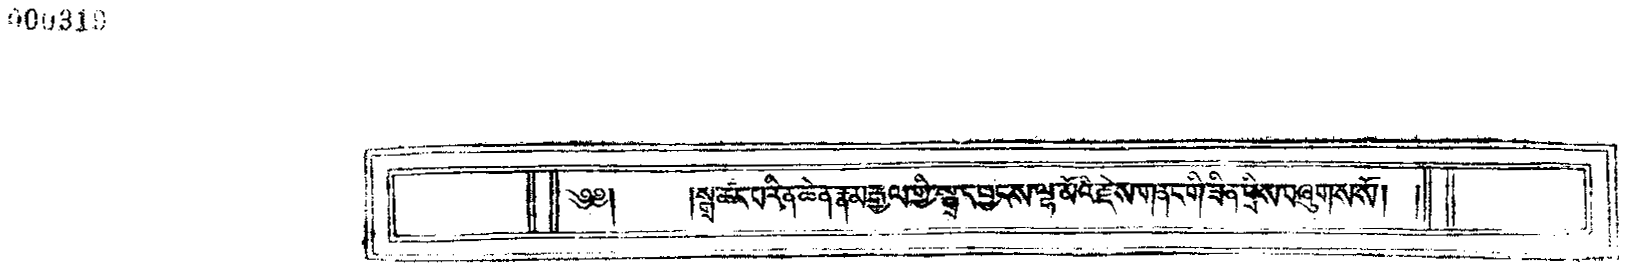༄༅། །སྒྲ་ཚང་པ་རིན་ཆེན་རྣམ་རྒྱལ་གྱི་སྒྲ་དབྱངས་ལྷ་མོའི་རྗེས་གནང་གི་ཟིན་བྲིས་བཞུགས་སོ། །